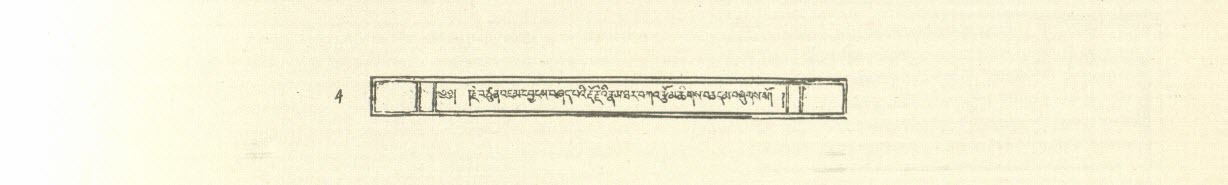༄༅། །རྗེ་བཙུན་འཇམ་དབྱངས་བཞད་པའི་རྡོ་རྗེའི་རྣམ་ཐར་བཀའ་རྩོམ་ཚིགས་བཅད་མ་བཞུགས་པོ། །